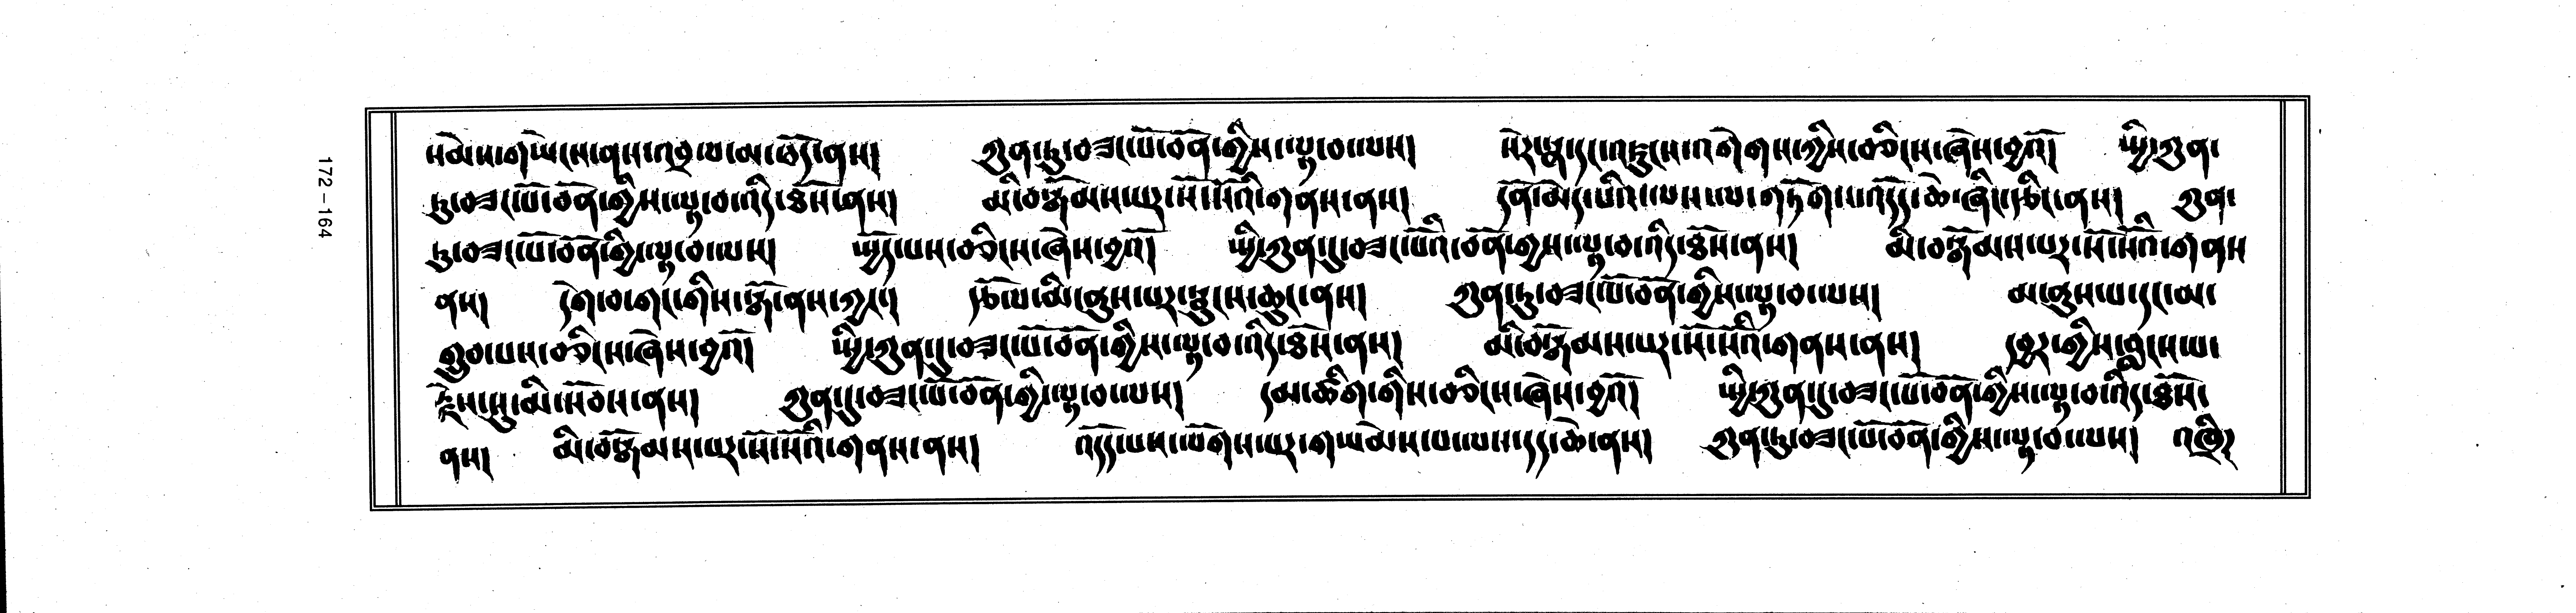གཡེངས་ནས་འབྲལ་མ་ཕོད་ནས། ཀུན་ཏུ་བཟང་པོ་བོན་གྱིས་ལྟ་བ་ལས། སེར་སྣ་དང་འཇུངས་འགེགས་ཀྱིས་བཅིངས་ཞེས་བྱའོ། སྤྱི་ཀུན་
ཏུ་བཟང་པོ་བོན་གྱིས་ལྟ་བ་འདི་ཐོས་ནས། མི་བསྒོམས་པར་སོ་སོའི་གནས་ནས། དོན་མེད་པའི་ལས་ལ་གཏོགས་འདོད་ཆེ་ཞིང་རྩིང་ནས། ཀུན་
ཏུ་བཟང་པོ་བོན་གྱི་ལྟ་བ་ལས། སྤྱོད་པ་བཅིངས་ཞེས་བྱའོ། སྤྱི་ཀུན་དུ་བཟང་པོའི་བོན་གྱིས་ལྟ་བ་འདི་ཐོས་ནས། མི་བསྒོམས་པར་སོ་སོའི་གནས་
ནས། དགེ་བ་གང་གིས་སྒོ་ནས་ཀྱང་། རྩོལ་མི་ནུས་པར་སྦུངས་ཆུང་ནས། ཀུན་ཏུ་བཟང་པོ་བོན་གྱིས་ལྟ་བ་ལས། མ་ནུས་པ་དང་མ་
གྲུབ་པས་བཅིངས་ཞེས་བྱའོ། སྤྱི་ཀུན་དུ་བཟང་པོ་བོན་གྱིས་ལྟ་བ་འདི་ཐོས་ནས། མི་བསྒོམས་པར་སོ་སོའི་གནས་ནས། དབྱར་གྱིས་བླངས་པ་
རྗེས་སུ་མི་སོབས་ནས། ཀུན་དུ་བཟང་པོ་བོན་གྱི་ལྟ་བ་ལས། དམ་ཚིག་གིས་བཅིངས་ཞེས་བྱའོ། སྤྱི་ཀུན་དུ་བཟང་པོ་བོན་གྱིས་ལྟ་བ་འདི་ཐོས་
ནས། མི་བསྒོམས་པར་སོ་སོའི་གནས་ནས། འདོད་པས་ལོག་པར་གཡེམས་པ་ལས་དད་ཆེ་ནས། ཀུན་ཏུ་བཟང་པོ་བོན་གྱིས་ལྟ་བ་ལས། འཁྲིགས་